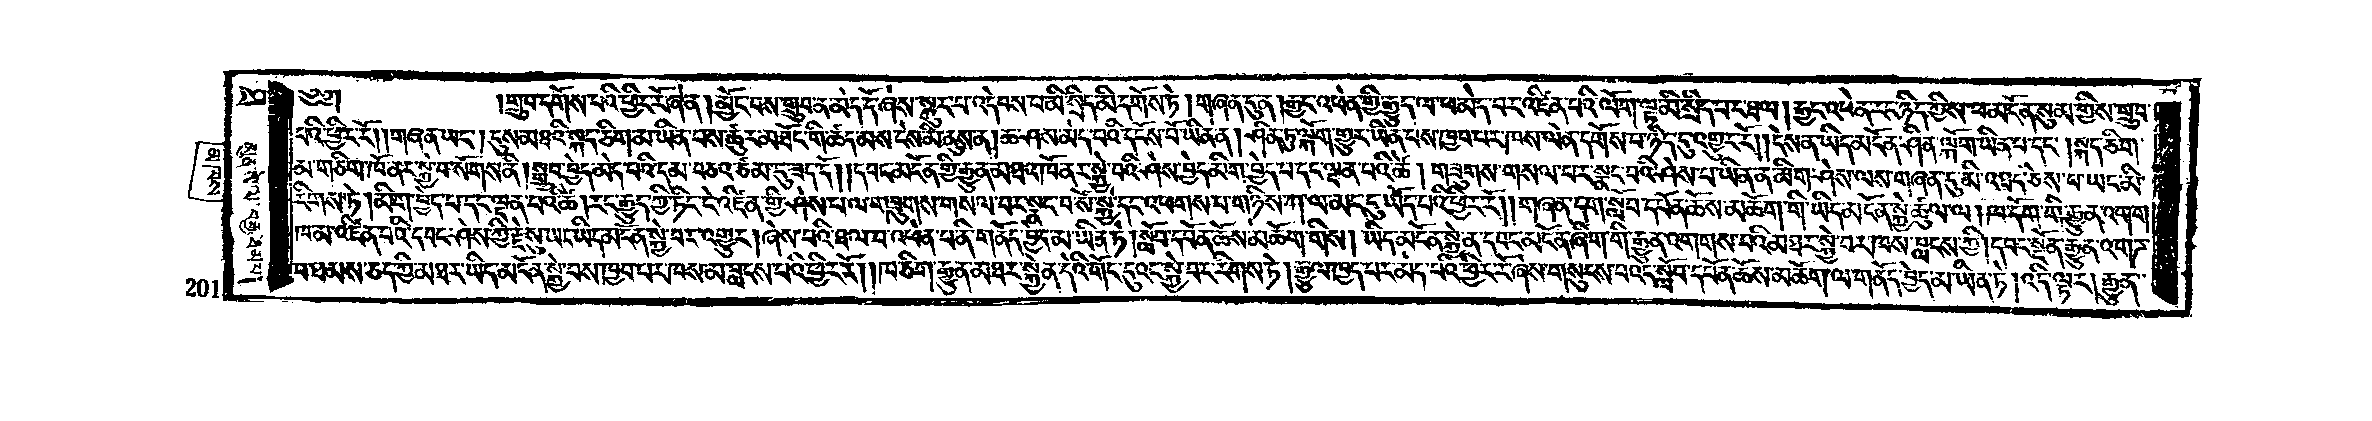༄༅། །གྲུབ་དགོས་པའི་ཕྱིར་རོ་ཞེས་ན། མྱོང་བས་གྲུ་ན་མེད་དོ་ཞེས་སྐུར་བ་འདེབས་པ་མི་སྲིད་མི་དགོས་ཏེ། གཞན་དུ་ན། རྒྱང་འཕེན་གྱི་རྒྱུད་ལ་ཕ་མེད་པར་འཛིན་པའི་ལོག་ལྟ་མི་སྲིད་པར་ཐལ། རྒྱང་འཕེན་རང་ཉིད་ཀྱིས་ཕ་མངོན་སུམ་གྱིས་གྲུབ་
པའི་ཕྱིར་རོ། །གཞན་ཡང་། དུས་མཐའི་སྐད་ཅིག་མ་ཡིན་པས་ཚུར་མཐོང་གི་ཚད་མས་ངེས་མི་ནུས་ན། ཆ་ཤད་མེད་པའི་དངོས་པོ་ཡིན་ན། ཤིན་ཏུ་ལྐོག་གྱུར་ཡིན་པས་ཁྱབ་པར་ཁས་ལེན་དགོས་པ་ཉིད་དུ་འགྱུར་རོ། །དེས་ན་ཡིད་མངོན་ཤིན་ལྐོག་ཡིན་པ་དང་། སྐད་ཅིག་
མ་གཅིག་ཁོ་ནར་སྐྱེ་བ་སོགས་ནི། སྒྲུབ་བྱེད་མེད་པའི་དམ་བཅའ་ཙམ་དུ་ཟད་དོ། །དབང་མངོན་གྱི་རྒྱུན་མཐའ་ཁོ་ནར་སྐྱེ་བའི་ཤེས་བྱེད་མིག་བྱེད་པ་དང་ལྡན་པའི་ཚེ། གཟུགས་གསལ་བར་སྣང་བའི་ཤེས་པ་ཡིན་ན་མིག་ཤེས་ལས་གཞན་དུ་མི་འཐད་ཅེས་པ་ཡང་མི་
རིགས་ཏེ། མིག་བྱེད་པ་དང་ལྡན་པའི་ཚེ། རང་རྒྱུད་ཀྱི་ཏིང་ངེ་འཛིན་གྱི་ཤེས་པ་ལ་གཟུགས་གསལ་བར་སྣང་བ་སོ་སྐྱེ་དང་འཕགས་པ་གཉིས་ཀ་ལ་མེད་དུ་ཡོད་པའི་ཕྱིར་རོ། །གཞན་དག་སློབ་དཔོན་ཆོས་མཆོག་གི་ཡིད་མངོན་སྐྱེ་ཚུལ་ལ། ཁ་དོག་གི་རྒྱུན་འགག་
ཁ་མ་འཛིན་པའི་དབང་ཤེས་ཀྱི་རྗེས་སུ་ཡང་ཡིད་མངོན་སྐྱེ་བར་འགྱུར། ཞེས་པའི་ཐལ་བ་འཕེན་པ་ནི་གནོད་བྱེད་མ་ཡིན་ཏེ། སློབ་དཔོན་ཆོས་མཆོག་གིས། ཡིད་མངོན་སྐྱེ་ན་དབང་མངོན་ཞིག་གི་རྒྱུན་འགགས་པའི་མཐར་སྐྱེ་བར་ཁས་བླངས་ཀྱི། དབང་སྔོན་རྒྱུན་འགཌ་
པ་ཐམས་ཅད་ཀྱི་མཐར་ཡིད་མངོན་སྐྱེ་བས་ཁྱབ་པར་ཁས་མ་བླངས་པའི་ཕྱིར་རོ། །ཁ་ཅིག་རྒྱུན་མཐར་སྐྱེ་ན་དེའི་གོང་དུའང་སྐྱེ་བར་རིགས་ཏེ། རྒྱུ་ལ་ཁྱད་པར་མེད་པའི་ཕྱིར་རོ་ཞེས་གསུངས་པའང་སློབ་དཔོན་ཆོས་མཆོག་ལ་གནོད་བྱེད་མ་ཡིན་ཏེ། འདི་ལྟར། རྒྱུན་